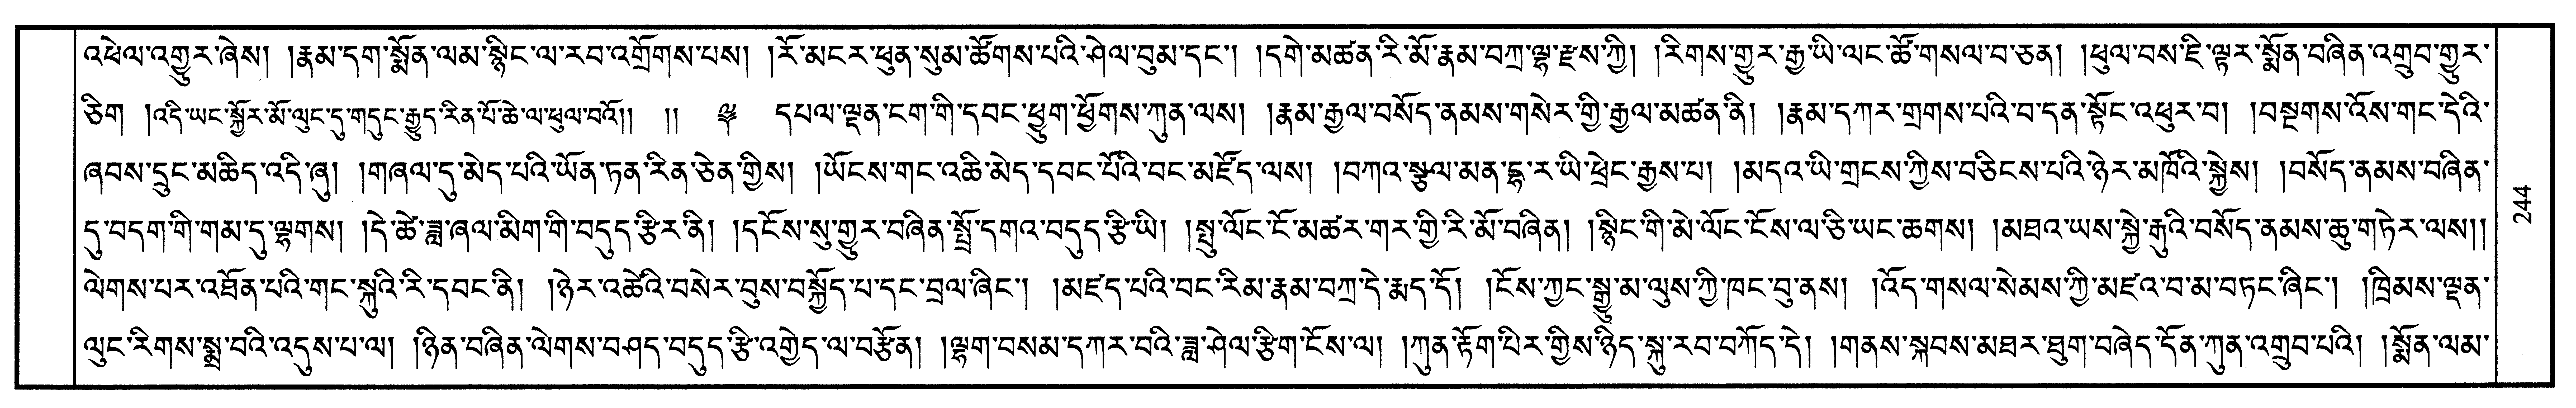འཕེལ་འགྱུར་ཞེས། །རྣམ་དག་སྨོན་ལམ་སྙིང་ལ་རབ་འགྲོགས་པས། །རོ་མངར་ཕུན་སུམ་ཚོགས་པའི་ཤེལ་བུམ་དང་། །དགེ་མཚན་རི་མོ་རྣམ་བཀྲ་ལྷ་རྫས་ཀྱི། །རིགས་གྱུར་རྒྱ་ཡི་ལང་ཚོ་གསལ་བ་ཅན། །ཕུལ་བས་ཇི་ལྟར་སྨོན་བཞིན་འགྲུབ་གྱུར་
ཅིག །འདི་ཡང་སྐྱོར་མོ་ལུང་དུ་གདུང་རྒྱུད་རིན་པོ་ཆེ་ལ་ཕུལ་བའོ།། །། ༈ དཔལ་ལྡན་ངག་གི་དབང་ཕྱུག་ཕྱོགས་ཀུན་ལས། །རྣམ་རྒྱལ་བསོད་ནམས་གསེར་གྱི་རྒྱལ་མཚན་ནི། །རྣམ་དཀར་གྲགས་པའི་བ་དན་སྟོང་འཕུར་བ། །བསྔགས་འོས་གང་དེའི་
ཞབས་དྲུང་མཆིད་འདི་ཞུ། །གཞལ་དུ་མེད་པའི་ཡོན་ཏན་རིན་ཅེན་གྱིས། །ཡོངས་གང་འཆི་མེད་དབང་པོའི་བང་མཛོད་ལས། །བཀའ་སྩལ་མན་དྷ་ར་ཡི་ཕྲེང་རྒྱས་པ། །མདའ་ཡི་གྲངས་ཀྱིས་བཅིངས་པའི་ཉེར་མཁོའི་སྐྱེས། །བསོད་ནམས་བཞིན་
དུ་བདག་གི་གམ་དུ་ལྷགས། །དེ་ཚེ་ཟླ་ཞལ་མིག་གི་བདུད་རྩིར་ནི། །དངོས་སུ་གྱུར་བཞིན་སྤྲོ་དགའ་བདུད་རྩི་ཡི། །སྤུ་ལོང་ངོ་མཚར་གར་གྱི་རི་མོ་བཞིན། །སྙིང་གི་མེ་ལོང་ངོས་ལ་ཅི་ཡང་ཆགས། །མཐའ་ཡས་སྐྱེ་རྒུའི་བསོད་ནམས་ཆུ་གཏེར་ལས།།
ལེགས་པར་འཐོན་པའི་གང་སྐུའི་རི་དབང་ནི། །ཉེར་འཚེའི་བསེར་བུས་བསྐྱོད་པ་དང་བྲལ་ཞིང་། །མཛད་པའི་བང་རིམ་རྣམ་བཀྲ་དེ་རྨད་དོ། །ངོས་ཀྱང་སྒྱུ་མ་ལུས་ཀྱི་ཁང་བུ་ནས། །འོད་གསལ་སེམས་ཀྱི་མཛའ་བ་མ་བཏང་ཞིང་། །ཁྲིམས་ལྡན་
ལུང་རིགས་སྨྲ་བའི་འདུས་པ་ལ། །ཉིན་བཞིན་ལེགས་བཤད་བདུད་རྩི་འགྱེད་ལ་བརྩོན། །ལྷག་བསམ་དཀར་བའི་ཟླ་ཤེལ་རྩིག་ངོས་ལ། །ཀུན་རྟོག་པིར་གྱིས་ཉིད་སྐུ་རབ་བཀོད་དེ། །གནས་སྐབས་མཐར་ཐུག་བཞེད་དོན་ཀུན་འགྲུབ་པའི། །སྨོན་ལམ་